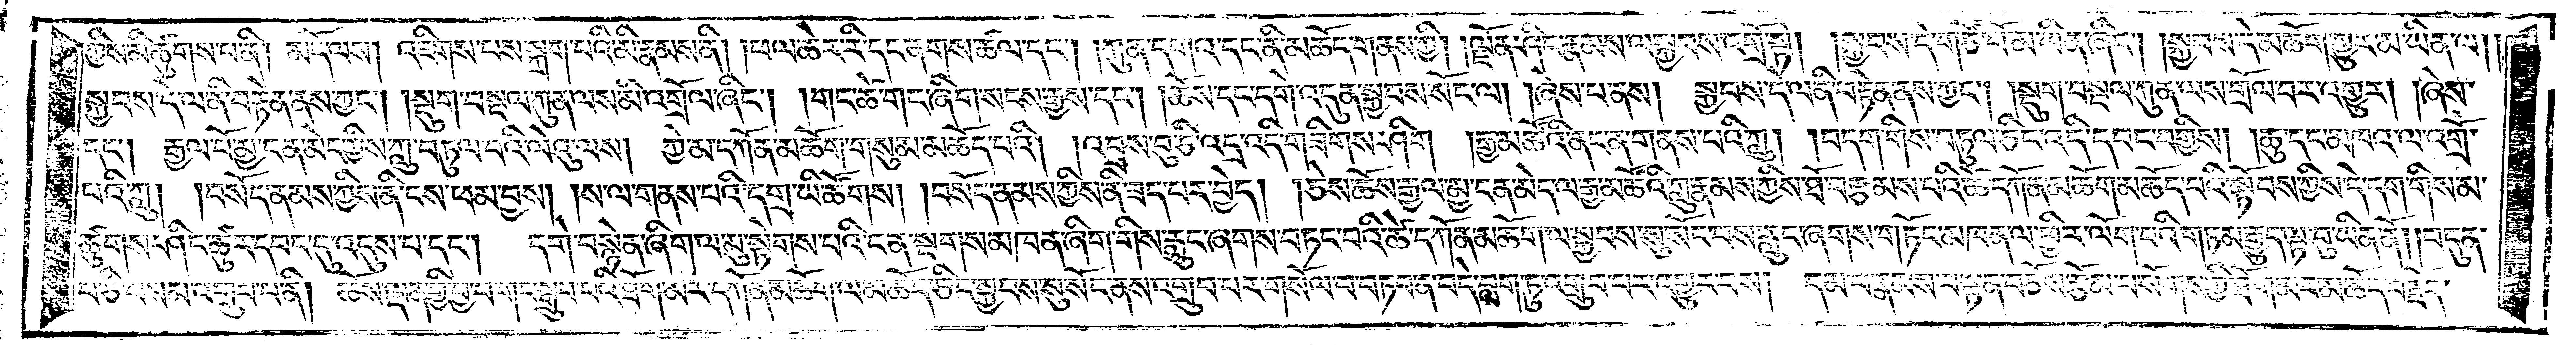ཀྱིས་མི་ཚུགས་པ་ནི། མདོ་ལས། འཇིགས་པས་སྐྲག་པའི་མི་རྣམས་ནི། །ཕལ་ཆེར་རི་དང་ནགས་ཚལ་དང་། །ཀུན་དགའ་དང་ནི་མཆོད་གནས་ཀྱི། །ལྗོན་ཤིང་རྣམས་ལ་སྐྱབས་འགྲོ་སྟེ། །སྐྱབས་དེ་གཙོ་བོ་མ་ཡིན་ཞིང་། །སྐྱབས་དེ་མཆོག་གྱུར་མ་ཡིན་ལ། །
སྐྱབས་དེ་ལ་ནི་བརྟེན་ནས་ཀྱང་། །སྡུག་བསྔལ་ཀུན་ལས་མི་འགྲོལ་ཞིང་། །གང་ཆོ་གང་ཞིག་སངས་རྒྱས་དང་། །ཆོས་དང་དགེ་འདུན་སྐྱབས་སོང་ལ། །ཞེས་པ་ནས། སྐྱབས་དེ་ལ་ནི་བརྟེན་ནས་ཀྱང་། །སྡུག་བསྔལ་ཀུན་ལས་གྲོལ་བར་འགྱུར། །ཞེས་
དང་། རྒྱལ་པོ་མྱ་ངན་མེད་ཀྱིས་ཀླུ་བཏུལ་བའི་ལེའུ་ལས། ཀྱེ་མ་དཀོན་མཆོག་གསུམ་མཆོད་པའི། །འབྲས་བུ་ཅི་འདྲ་འདི་གཟིགས་ཤིག །རྒྱ་མཚོའི་ནང་ན་གནས་པའི་ཀླུ། །བདག་གིས་བཏུལ་ཅིང་འདི་དབང་བགྱིས། །ཆུ་དང་མཁའ་ལ་འགྲོ་
པའི་ཀླུ། །བསོད་ནམས་ཀྱིས་ནི་ངས་ཕམ་བྱས། །ས་ལ་གནས་པའི་དགྲ་ཡི་ཚོགས། །བསོད་ནམས་ཀྱིས་ནི་ཟད་པར་བྱེད། །ཅེས་ཆོས་རྒྱལ་མྱ་ངན་མེད་ལ་རྒྱ་མཚོའི་ཀླུ་རྣམས་ཀྱིས་ཐོ་བརྩམས་པའི་ཚེ་དཀོན་མཆོག་མཆོད་བའི་སྟོབས་ཀྱིས་དེ་དག་གིས་མ་
ཚུགས་ཤིང་ཚུར་དབང་དུ་འདུས་པ་དང་། དགེ་བསྙེན་ཞིག་ལ་མུ་སྟེགས་པའི་ངན་སྔགས་མཁན་ཞིག་གིས་རླུང་ཞགས་བཏང་བའི་ཚེ་དཀོན་མཆོག་ལ་སྐྱབས་སུ་སོང་བས་རླུང་ཞགས་གཏོང་མཁན་ལ་ཕྱིར་ལོག་པའི་གཏམ་རྒྱུད་ལྟ་བུ་ཡིན་ནོ། །བདུན་
པ་ཅི་བསམ་འགྲུབ་པ་ནི། ཆོས་ལྡན་བྱི་བྱ་བ་གང་སྒྲུབ་པའི་ཐོག་མར་དཀོན་མཆོག་ལ་མཆོད་ཅིང་སྐྱབས་སུ་སོང་ནས་འགྲུབ་པར་གསོལ་བ་བཏབ་ན་བདེ་བླག་ཏུ་འགྲུབ་པར་འགྱུར་བས། དམ་པ་རྣམས་བསྟན་བཅོས་རྩོམ་པ་སོགས་ཀྱི་ཐོག་མར་མཆོད་བརྗོད་